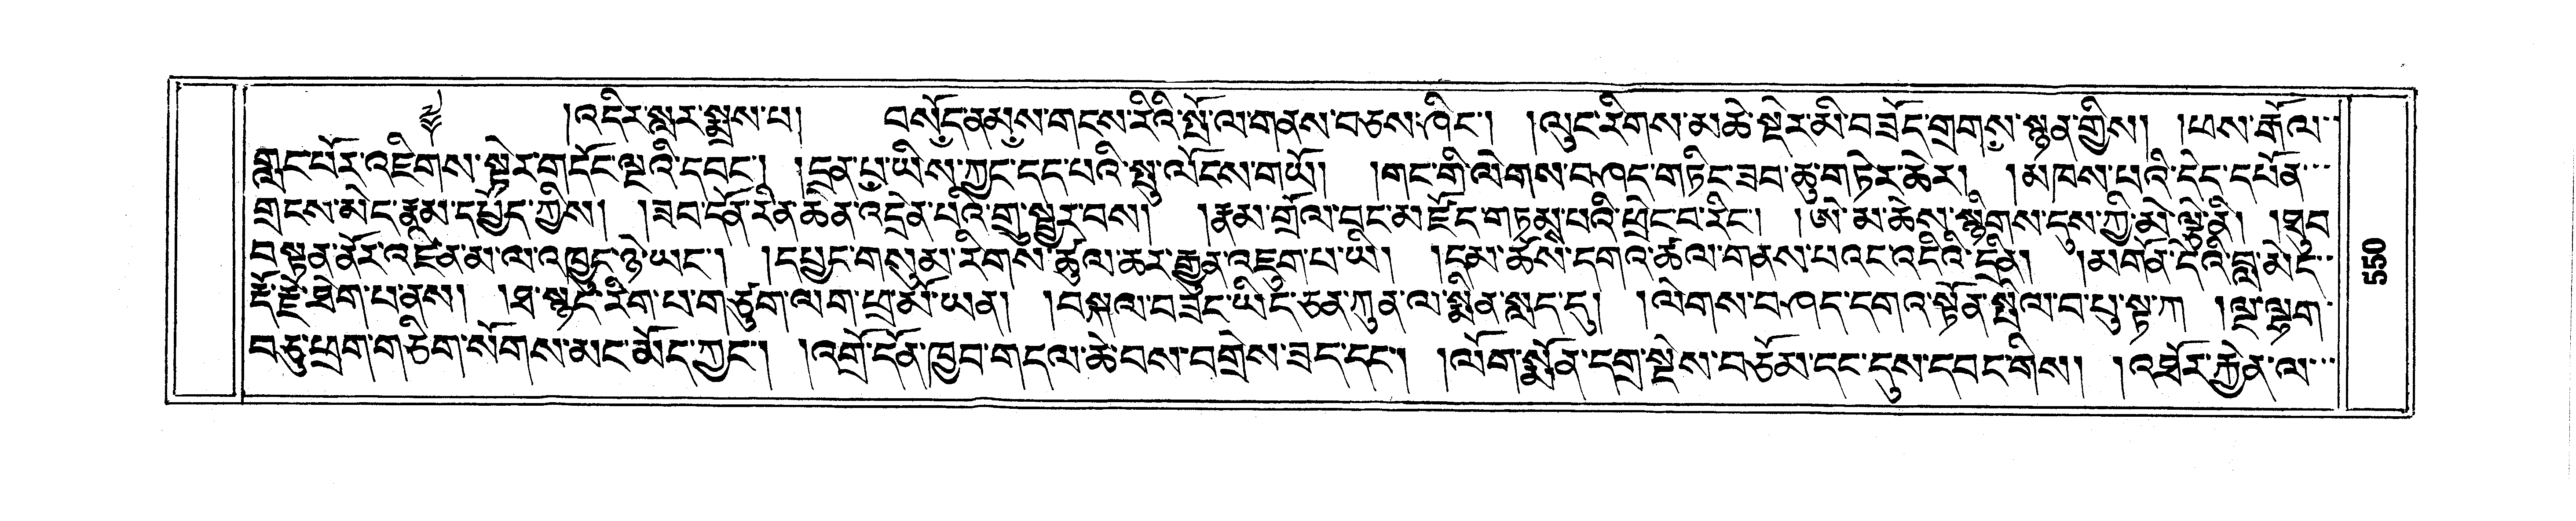༈ །འདིར་སླར་སྨྲས་པ། བསོད྾་ནམས྾་གངས་རིའི་སྤོ་ལ་གནས་བཅས་ཤིང་། །ལུང་རིགས་མཆེ་སྡེར་མི་བཟོད་གྲགས྾་སྙན་གྱིས། །ཕས་རྒོལ་
གླང་པོར་འཇིགས་སྟེར་གདོང་ལྔའི་དབང་། །དྲན་པ྾་ཡིས་ཀྱང་དད་པའི་སྤུ་ལོངས་གཡོ། །གང་གི་ལེགས་བཤད་གཏིང་ཟབ་ཆུ་གཏེར་ཆེར། །མཁས་པའི་དེད་དཔོན་
གྲངས་མེད་རྣམ་དཔྱོད་ཀྱིས། །ཟབ་དོན་རིན་ཆེན་འདྲེན་པའི་གྲུ་སྦྱར་བས། །རྣམ་གྲོལ་བང་མཛོད་གཏམས་པའི་ཕྲེང་བ་རིང་། །ཨེ་མ་ཆེས་སྙིགས་དུས་ཀྱི་མེ་ལྕེ་ནི། །ཐུབ་
བསྟན་ནོར་འཛིན་མ་ལ་འཁྱུང་ཉེ་ཡང་། །དཔྱད་གསུམ་རིགས་ཚུལ་ཆར་རྒྱུན་འཇུག་པ་ཡི། །དམ་ཆོས་དགའ་ཚལ་གནས་པའང་འདིའི་དྲིན། །མགོན་དེའི་བླ་མེད་
རྡོ་རྗེ་ཐེག་པ་ནས། །ཐ་སྙད་རིག་པ་གཙུགས་ལག་ཕྲ་མོ་ཡན། །བསྐལ་བཟང་ཡིད་ཅན་ཀུན་ལ་སྨིན་སླད་དུ། །ལེགས་བཤད་དགའ་སྟོན་སྤེལ་བ་པུ་སྟ་ཀ །ལྔ་ལྷག་
བཅུ་ཕྲག་གཅིག་སོགས་མང་མོད་ཀྱང་། །འགྲོ་དོན་ཁྱབ་གདལ་ཆེ་བས་བགྲེས་ཟད་དང་། །ལོག་སྨོན་དགྲ་སྡེས་བཅོམ་དང་དུས་དབང་གིས། །འཐོར་རྐྱེན་ལ་